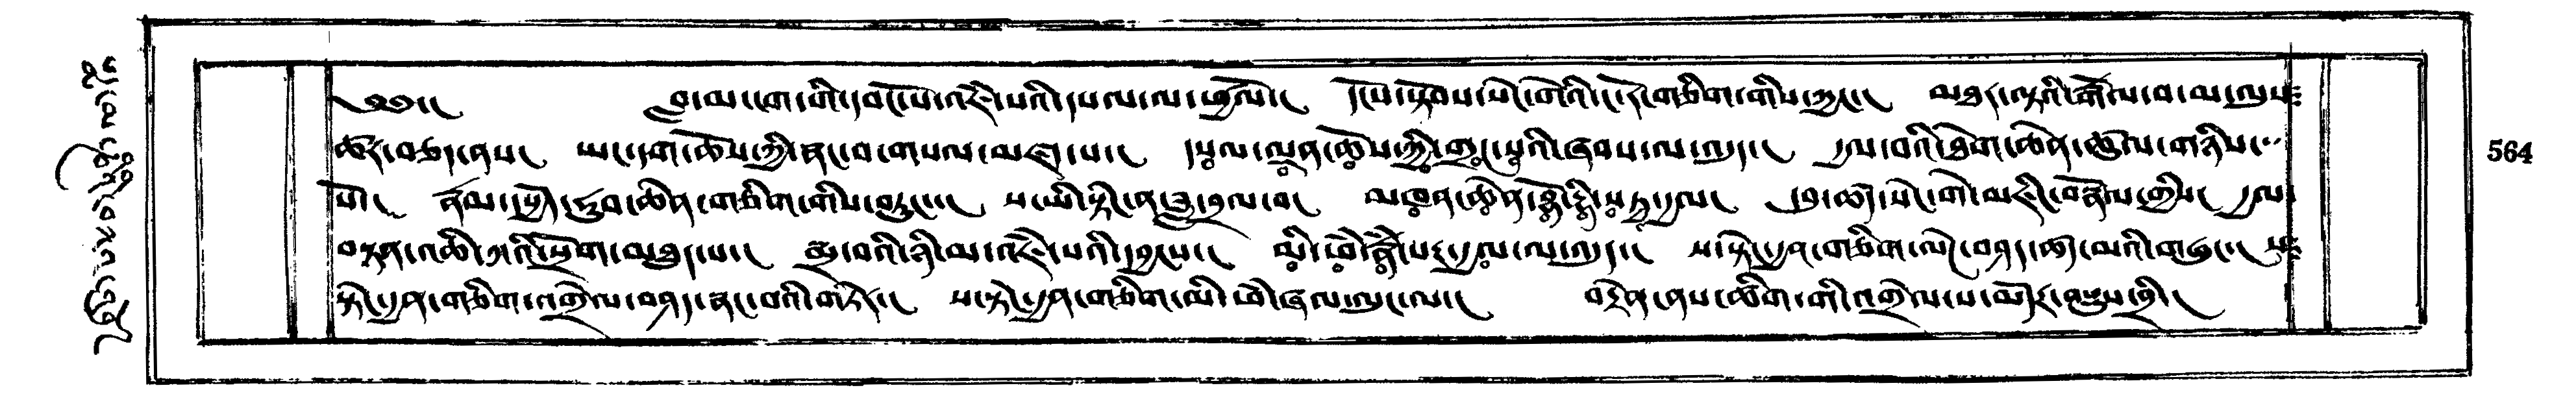བླ་མ་ངག་གི་དབང་པོ་འཇམ་པའི་དཔལ་ལ་ཕྱག་འཚལ་ལོ།། དངོས་སྟོབས་སེང་གེའི་ང་རོ་གཅིག་གིས་ཀྱང་། མཐར་ལྟའི་རྒོལ་བ་མ་ལུས་
ཚར་བཅད་ནས། །ཡང་དག་ཆོས་ཀྱི་སྣང་བ་གསལ་མཛད་པ། །དཔལ་ལྡན་ཆོས་ཀྱི་གྲགས་པའི་ཞབས་ལ་འདུད། །རྒྱལ་བའི་ཐེག་ཆེན་ཚུལ་གཉིས་
པོ། །རྣམ་དཔྱོད་ཧུབ་ཆེན་གཅིག་གིས་བཏུང་། །ས་ཡི་སྟེང་ན་ཟླ་བྲལ་བ། །མཁན་ཆེན་བྷོ་དྷི་སཏྭ་རྒྱལ། །དབུ་ཚད་སེང་གེ་མཇིང་བསྣོལ་གྱིས། །རྒྱལ་
བསྟན་འཆི་ཀའི་སྲོག་མཐུད་པ། །སྨྲ་བའི་ཉི་མ་འཇམ་པའི་དབྱངས། མི་ཕམ་རྣམ་པར་རྒྱལ་ལ་འདུད། །ས་སྟེང་རྒྱན་གཅིག་ལེགས་བཤད་ཚད་མའི་གཞུང་། །ས་
སྟེང་རྒྱན་གཅིག་འགྲེལ་བཤད་སྣང་བའི་གཏེར། ས་སྟེང་རྒྱན་གཅིག་མི་ཕམ་ཞལ་ལུང་ལ། །བརྟེན་ནས་ཚིག་གི་འགྲེལ་པ་མདོར་བསྡུས་འབྲི།